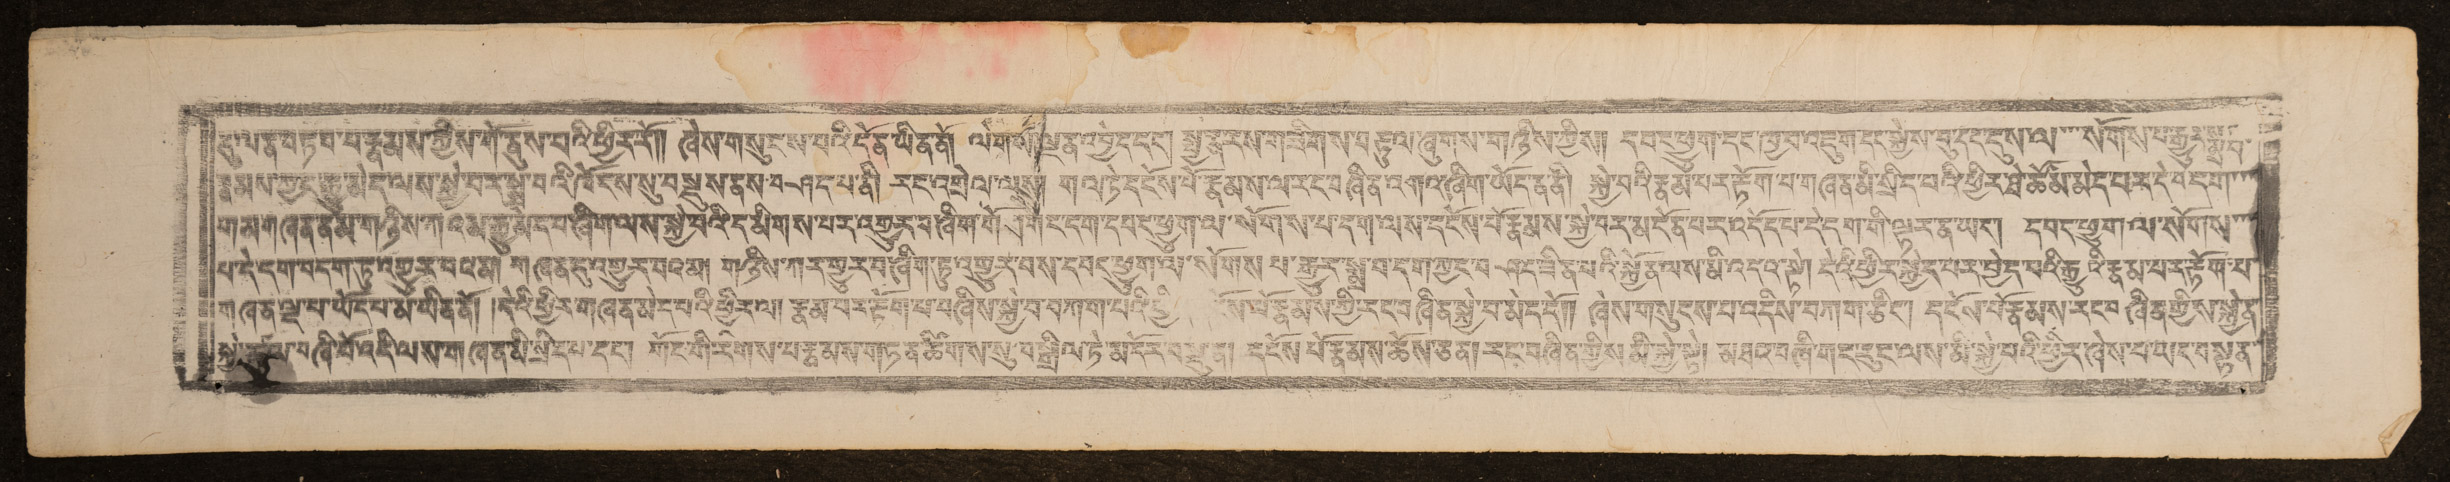དུ་ལན་བཏབ་པ་རྣམས་ཀྱིས་གོ་ནུས་པའི་ཕྱིར་རོ། །ཞེས་གསུངས་པའི་དོན་ཡིན་ནོ། ལེགས་ལྡན་འབྱེད་དང་། སྤྱན་རས་གཟིགས་བརྟུལ་ཞུགས་གཉིས་ཀྱིས། དབང་ཕྱུག་དང་ཁྱབ་འཇུག་དང་སྐྱེས་བུ་དང་དུས་ལས་སོགས་པ་རྒྱུར་སྨྲ་བ་
རྣམས་ཀྱང་རྒྱུ་མེད་ལས་སྐྱེ་བར་སྨྲ་བའི་ཁོངས་སུ་བསྡུས་ནས་བཤད་པ་ནི། རང་འགྲེལ་ལས། གལ་ཏེ་དངོས་པོ་རྣམས་ལ་རང་བཞིན་འགའ་ཞིག་ཡོད་ན་ནི། སྐྱེ་བའི་རྣམ་པར་རྟོག་པ་གཞན་མི་སྲིད་པའི་ཕྱིར་ཐེ་ཚོམ་མེད་པར་དེ་བདག་
གམ་གཞན་ནམ་གཉིས་ཀའམ་རྒྱུ་མེད་པ་ཞིག་ལས་སྐྱེ་བའི་དམིགས་པར་འགྱུར་བ་ཞིག་གོ །གང་དག་དབང་ཕྱུག་ལས་སོགས་པ་དག་ལས་དངོས་པོ་རྣམས་སྐྱེ་བར་མངོན་པར་འདོད་པ་དེ་དག་གི་ལྟར་ན་ཡང་། དབང་ཕྱུག་ལས་སོགས་
པ་དེ་དག་བདག་ཏུ་འགྱུར་བའམ། གཞན་དུ་འགྱུར་བའམ། གཉིས་ཀར་གྱུར་པ་ཞིག་ཏུ་འགྱུར་བས་དབང་ཕྱུག་ལས་སོགས་པ་རྒྱུར་སྨྲ་བ་དག་ཀྱང་བཤད་ཟིན་པའི་སྐྱོན་ལས་མི་འདའ་སྟེ། དེའི་ཕྱིར་སྐྱེད་པར་བྱེད་པའི་རྒྱུའི་རྣམ་པར་རྟོག་པ་
གཞན་ལྔ་པ་ཡོད་པ་མ་ཡིན་ནོ། །དེའི་ཕྱིར་གཞན་མེད་པའི་ཕྱིར་ལ། རྣམ་པར་རྟོག་པ་བཞིས་སྐྱེ་བ་བཀག་པའི་ཕྱིར་དངོས་པོ་རྣམས་ཀྱི་རང་བཞིན་སྐྱེ་བ་མེད་དོ། །ཞེས་གསུངས་པ་འདིས་བཀག་ཅིང་། དངོས་པོ་རྣམས་རང་བཞིན་གྱིས་སྐྱེ་ན་
སྐྱེ་ཚུལ་བཞི་པོ་འདི་ལས་གཞན་མི་སྲིད་པ་དང་། གོང་གི་རིགས་པ་རྣམས་གཏན་ཚིགས་སུ་བསྒྲིལ་ཏེ་མདོར་བསྡུ་ན། དངོས་པོ་རྣམས་ཆོས་ཅན། རང་བཞིན་གྱིས་མི་སྐྱེ་སྟེ། མཐའ་བཞི་གང་རུང་ལས་མི་སྐྱེ་བའི་ཕྱིར་ཞེས་པ་ཡང་བསྟན་